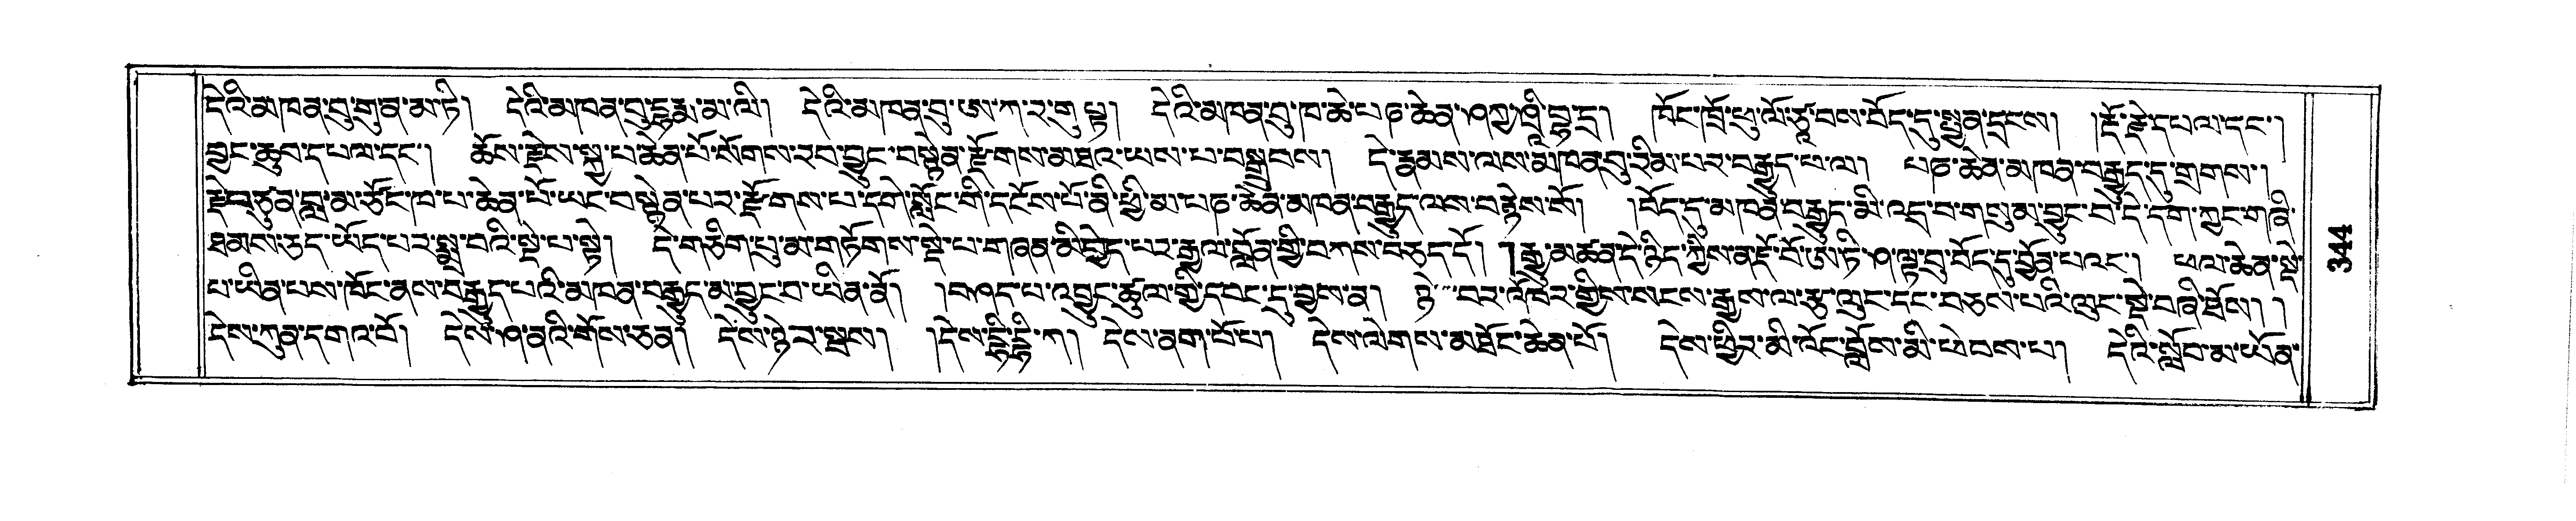དེའི་མཁན་བུ་གུ་ན་མ་ཏི། དེའི་མཁན་བུ་དྷརྨ་མ་ལི། དེའི་མཁན་བུ་ཨ་ཀ་ར་གུཔྟ། དེའི་མཁན་བུ་ཁ་ཆེ་པཎ་ཆེན་ཤཀྱ་ཤྲཱི་བྷ་དྲ། ཁོང་ཁྲོ་ཕུ་ལོ་ཙཱ་བས་བོད་དུ་སྤྱན་དྲངས། །རྡོ་རྗེ་དཔལ་དང་།
བྱང་ཆུབ་དཔལ་དང་། ཆོས་རྗེས་སྐྱ་པ་ཆེན་པོ་སོགས་རབ་བྱུང་བསྙེན་རྫོགས་མཐའ་ཡས་པ་བསྒྲུབས། དེ་རྣམས་ལས་མཁན་བུ་རིམ་པར་བརྒྱུད་པ་ལ། པཎ་ཆེན་མཁན་བརྒྱུད་དུ་གྲགས།
རྗེ་བཙུན་བླ་མ་ཙོང་ཁ་པ་ཆེན་པོ་ཡང་བསྙེན་པར་རྫོགས་པ་དགེ་སློང་གི་དངོས་པོ་ནི་ཕྱི་མ་པཎ་ཆེན་མཁན་བརྒྱུད་ལས་བརྙེས་སོ། །བོད་དུ་མཁན་བརྒྱུད་མི་འདྲ་བ་གསུམ་བྱུང་བ་དེ་དག་ཀྱང་གཞི་
ཐམས་ཅད་ཡོད་པར་སྨྲ་བའི་སྡེ་པ་སྟེ། དེ་གཅིག་པུ་མ་གཏོགས་སྡེ་པ་གཞན་མི་བྱེད་པར་རྒྱལ་བློན་གྱི་བཀས་བཅད་དོ། །རྒྱུ་མཚན་དེ་ཉིད་ཀྱིས་ན་ཇོ་བོ་ཨ་ཏི་ཤ་ལྟ་བུ་བོད་དུ་བྱོན་པའང་། ཕལ་ཆེན་སྡེ་
པ་ཡིན་པས་ཁོང་ནས་བརྒྱུད་པའི་མཁན་བརྒྱུད་མ་བྱུང་བ་ཡིན་ནོ། །བཤད་པ་འབྱུང་ཚུལ་གྱི་དབང་དུ་བྱས་ན། ཉེ་བར་འཁོར་གྱིས་སངས་རྒྱས་ལ་རྩ་ལུང་དང་བཅས་པའི་ལུང་སྡེ་བཞི་ཐོས།།
དེས་ཀུན་དགའ་བོ། དེས་ཤ་ནའི་གོས་ཅན། དེས་ཉེར་སྦས། །དེས་དྷི་དྷི་ཀ། དེས་ནག་པོ་པ། དེས་ལེགས་མཐོང་ཆེན་པོ། དེས་ཕྱིར་མི་འོང་བློས་མི་ཕེབས་པ། དེའི་སློབ་མ་ཡོན་